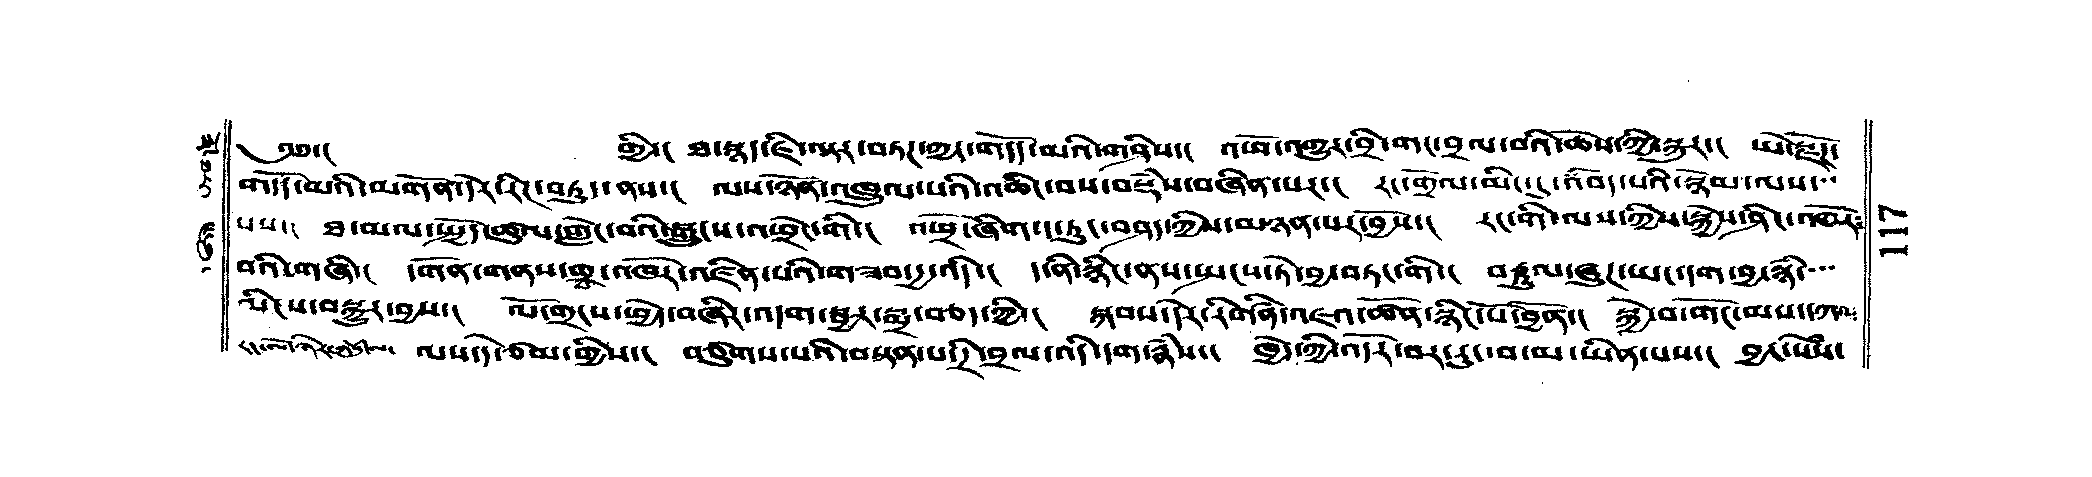གྱི། །ཐ་སྙད་ཇི་ལྟར་བཏགས་ཀྱང་གདོད་མའི་གཤིས། །འཕོ་འགྱུར་བྲི་གང་བྲལ་བའི་ཆོས་ཀྱི་སྐུར། །ཡེ་རྫོགས་
གདོད་མའི་མགོན་དེར་རིངས་བཏུད་ནས། །ལས་ཉོན་འཁྲུལ་པའི་འཆིང་བས་བསྡོམས་བཞིན་པར། །རང་གྲོལ་མིང་དུ་འབོད་པའི་སྙོམ་ལས་
པས། །ཐ་མལ་སྤྱོད་ཚུལ་གླེང་བའི་སྒྲུང་འཕྲེང་གི །འཕྲོ་ཞིག་ད་དུང་བཤད་ཀྱིས་མཉན་པར་བྱོས། །རང་གི་ལས་ཀྱིས་སྐྱེས་ཤིང་འཁོར་
བའི་གཞི། །དགོན་གནས་གྲྭ་འཁོར་འཛིན་པའི་གཟབ་རྒྱ་འདི། །ད་ནི་སྙིང་ནས་སྤངས་ཏེ་བྱ་བཏང་གི །བརྟུལ་ཞུགས་ཡང་དག་བྱ་སྙམ་
ལིང་{ རང་ལོ་ཉེར་གསུམ་ལ། }བསྐྱུར་བྱས། །ལོ་གྲངས་ཕྱེད་བཞིར་འདག་སྦྱར་སྨྲ་བཅད་ཀྱི། །སྐབས་དེར་རིག་འཛིན་འཇའ་ཚོན་སྙིང་པོ་བྱོན། །སྐྱེ་བ་གོང་མས་དཀའ་
ལས་དེ་ཙམ་གྱིས། །བཙུགས་པའི་བསྟན་པ་དྲི་བྲལ་འདི་དག་རྣམས། །ཁྱེད་ཀྱི་འདོར་བར་རུང་བ་མ་ཡིན་པས། །བྱང་སེམས་